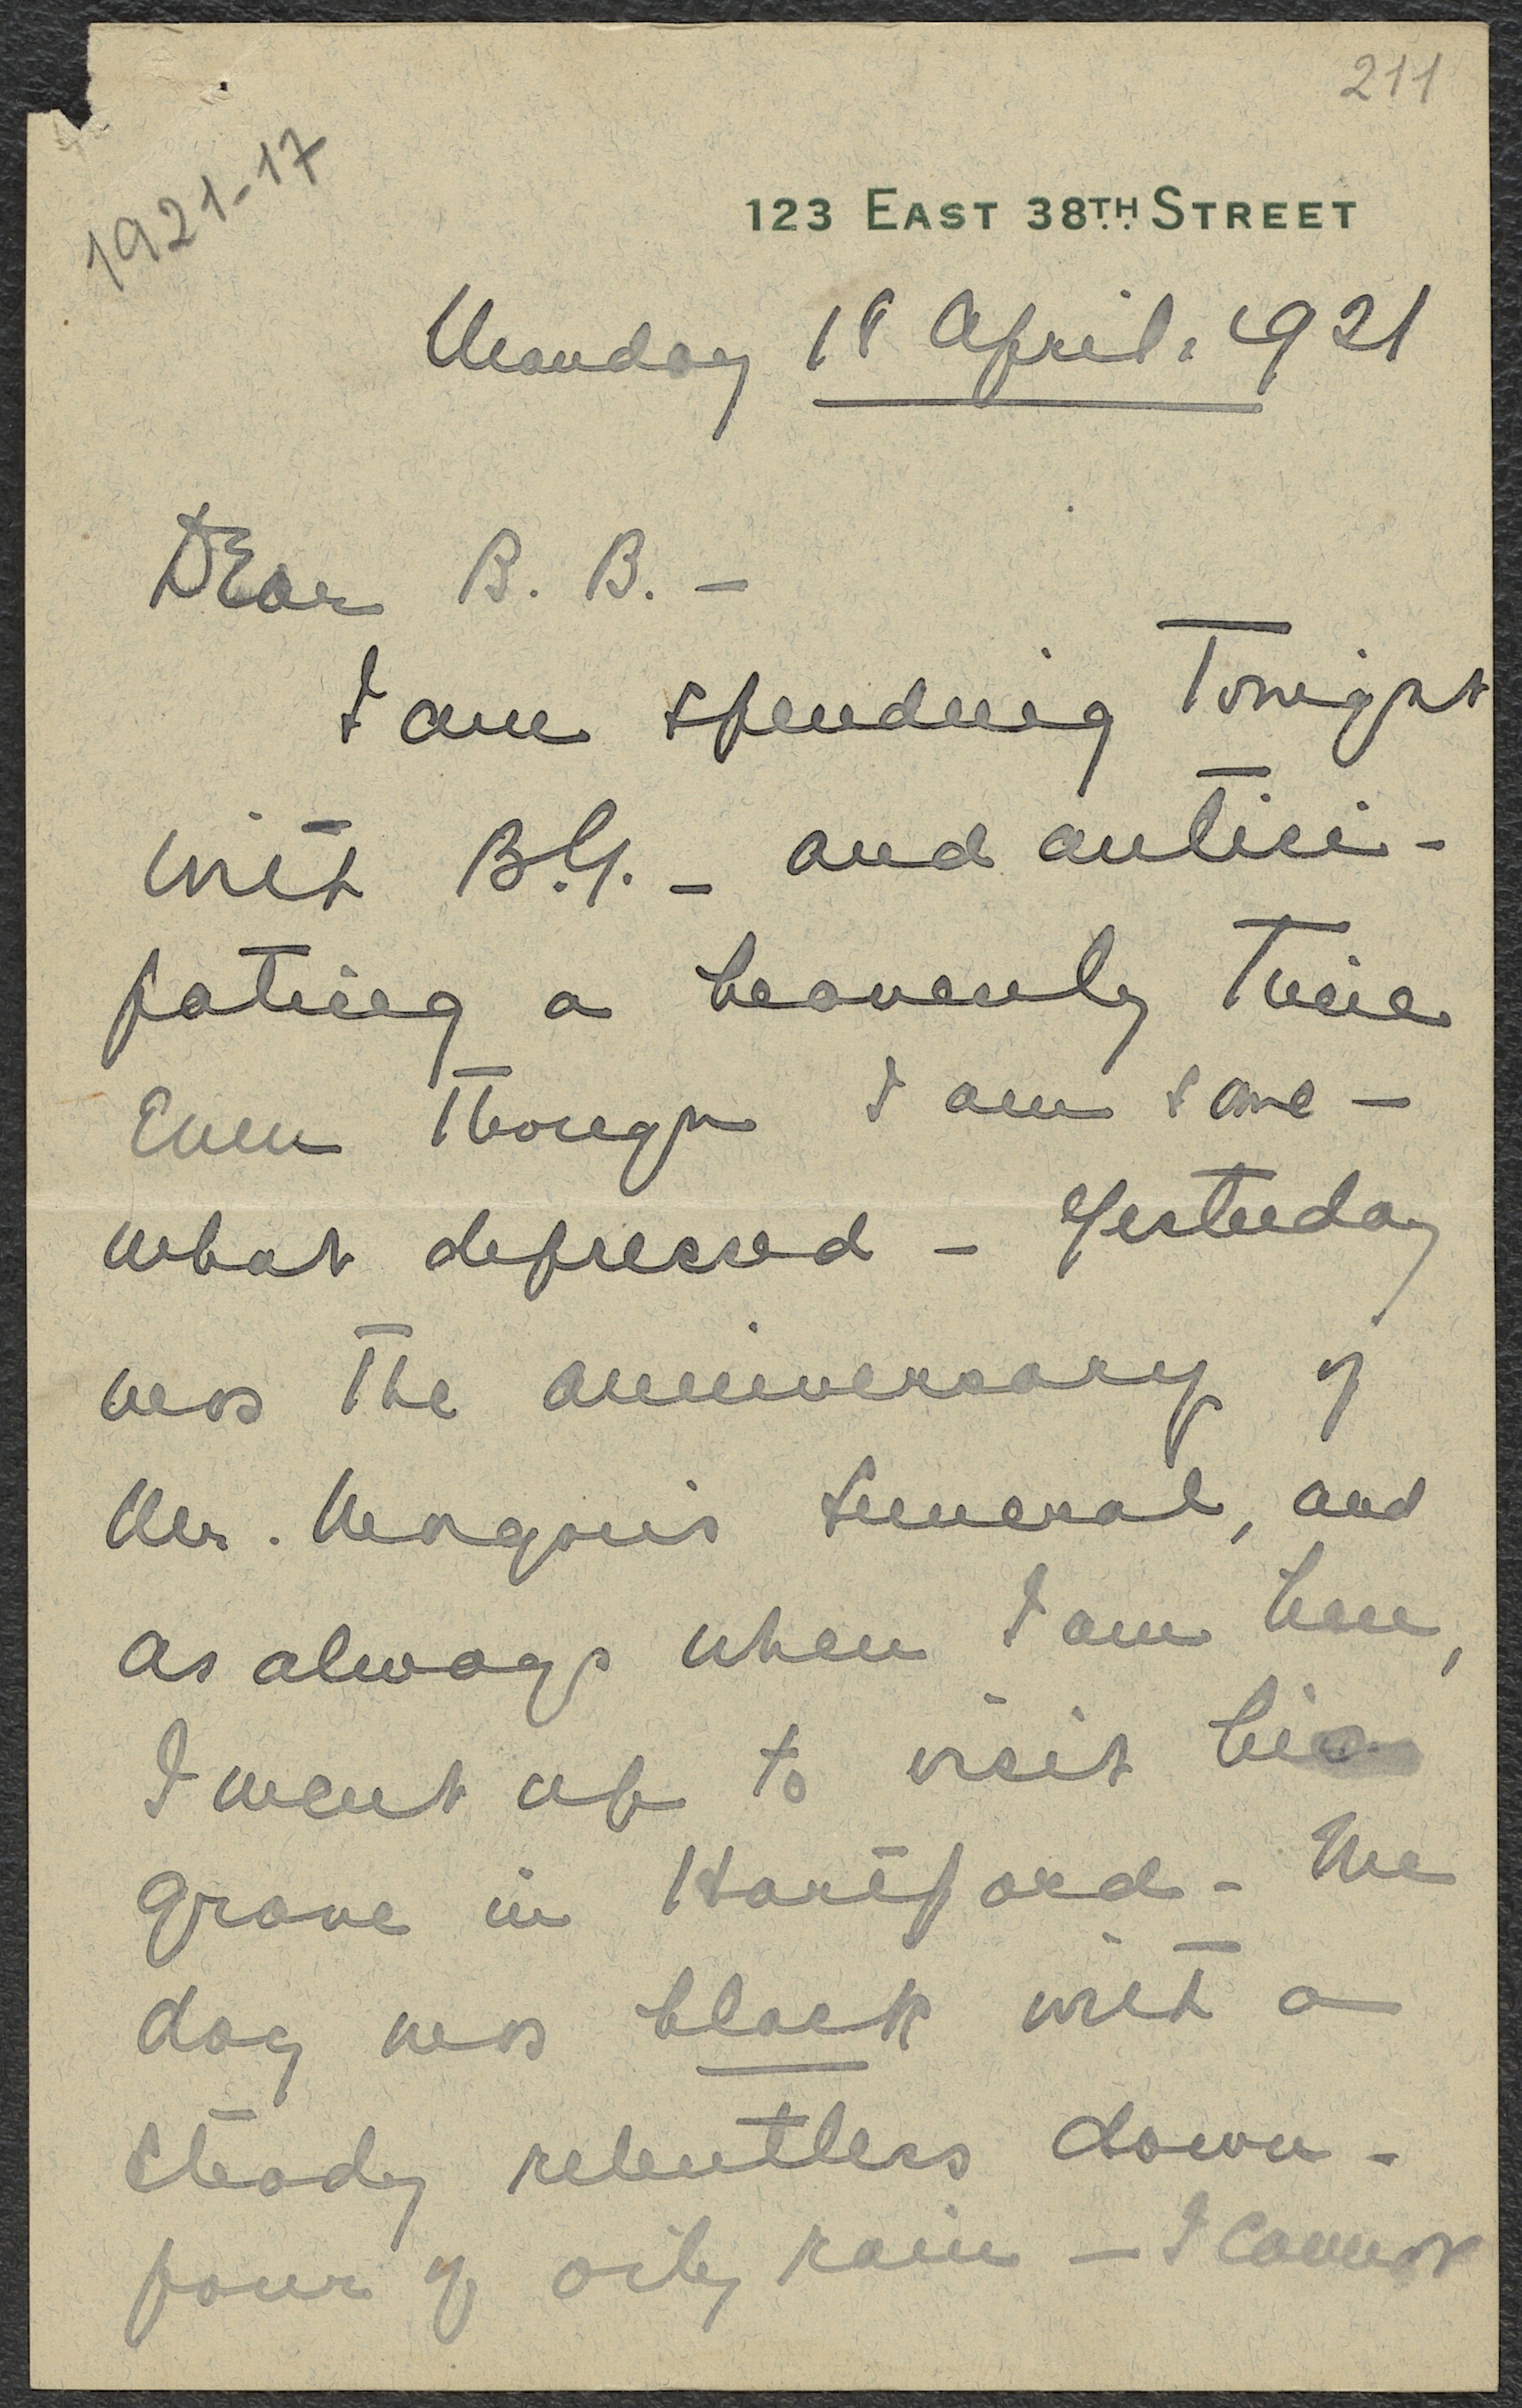Monday 18 April, 1921
Dear B.B. –
I am spending tonight with B.G. – and anticipating a heavenly time even though I am somewhat depressed – Yesterday was the anniversary of Mr. Morgan’s funeral, and as always when I am here, I went up to visit his grave in Hartford – The day was black with a cloudy relentless down-pour of oily rain – I cannot